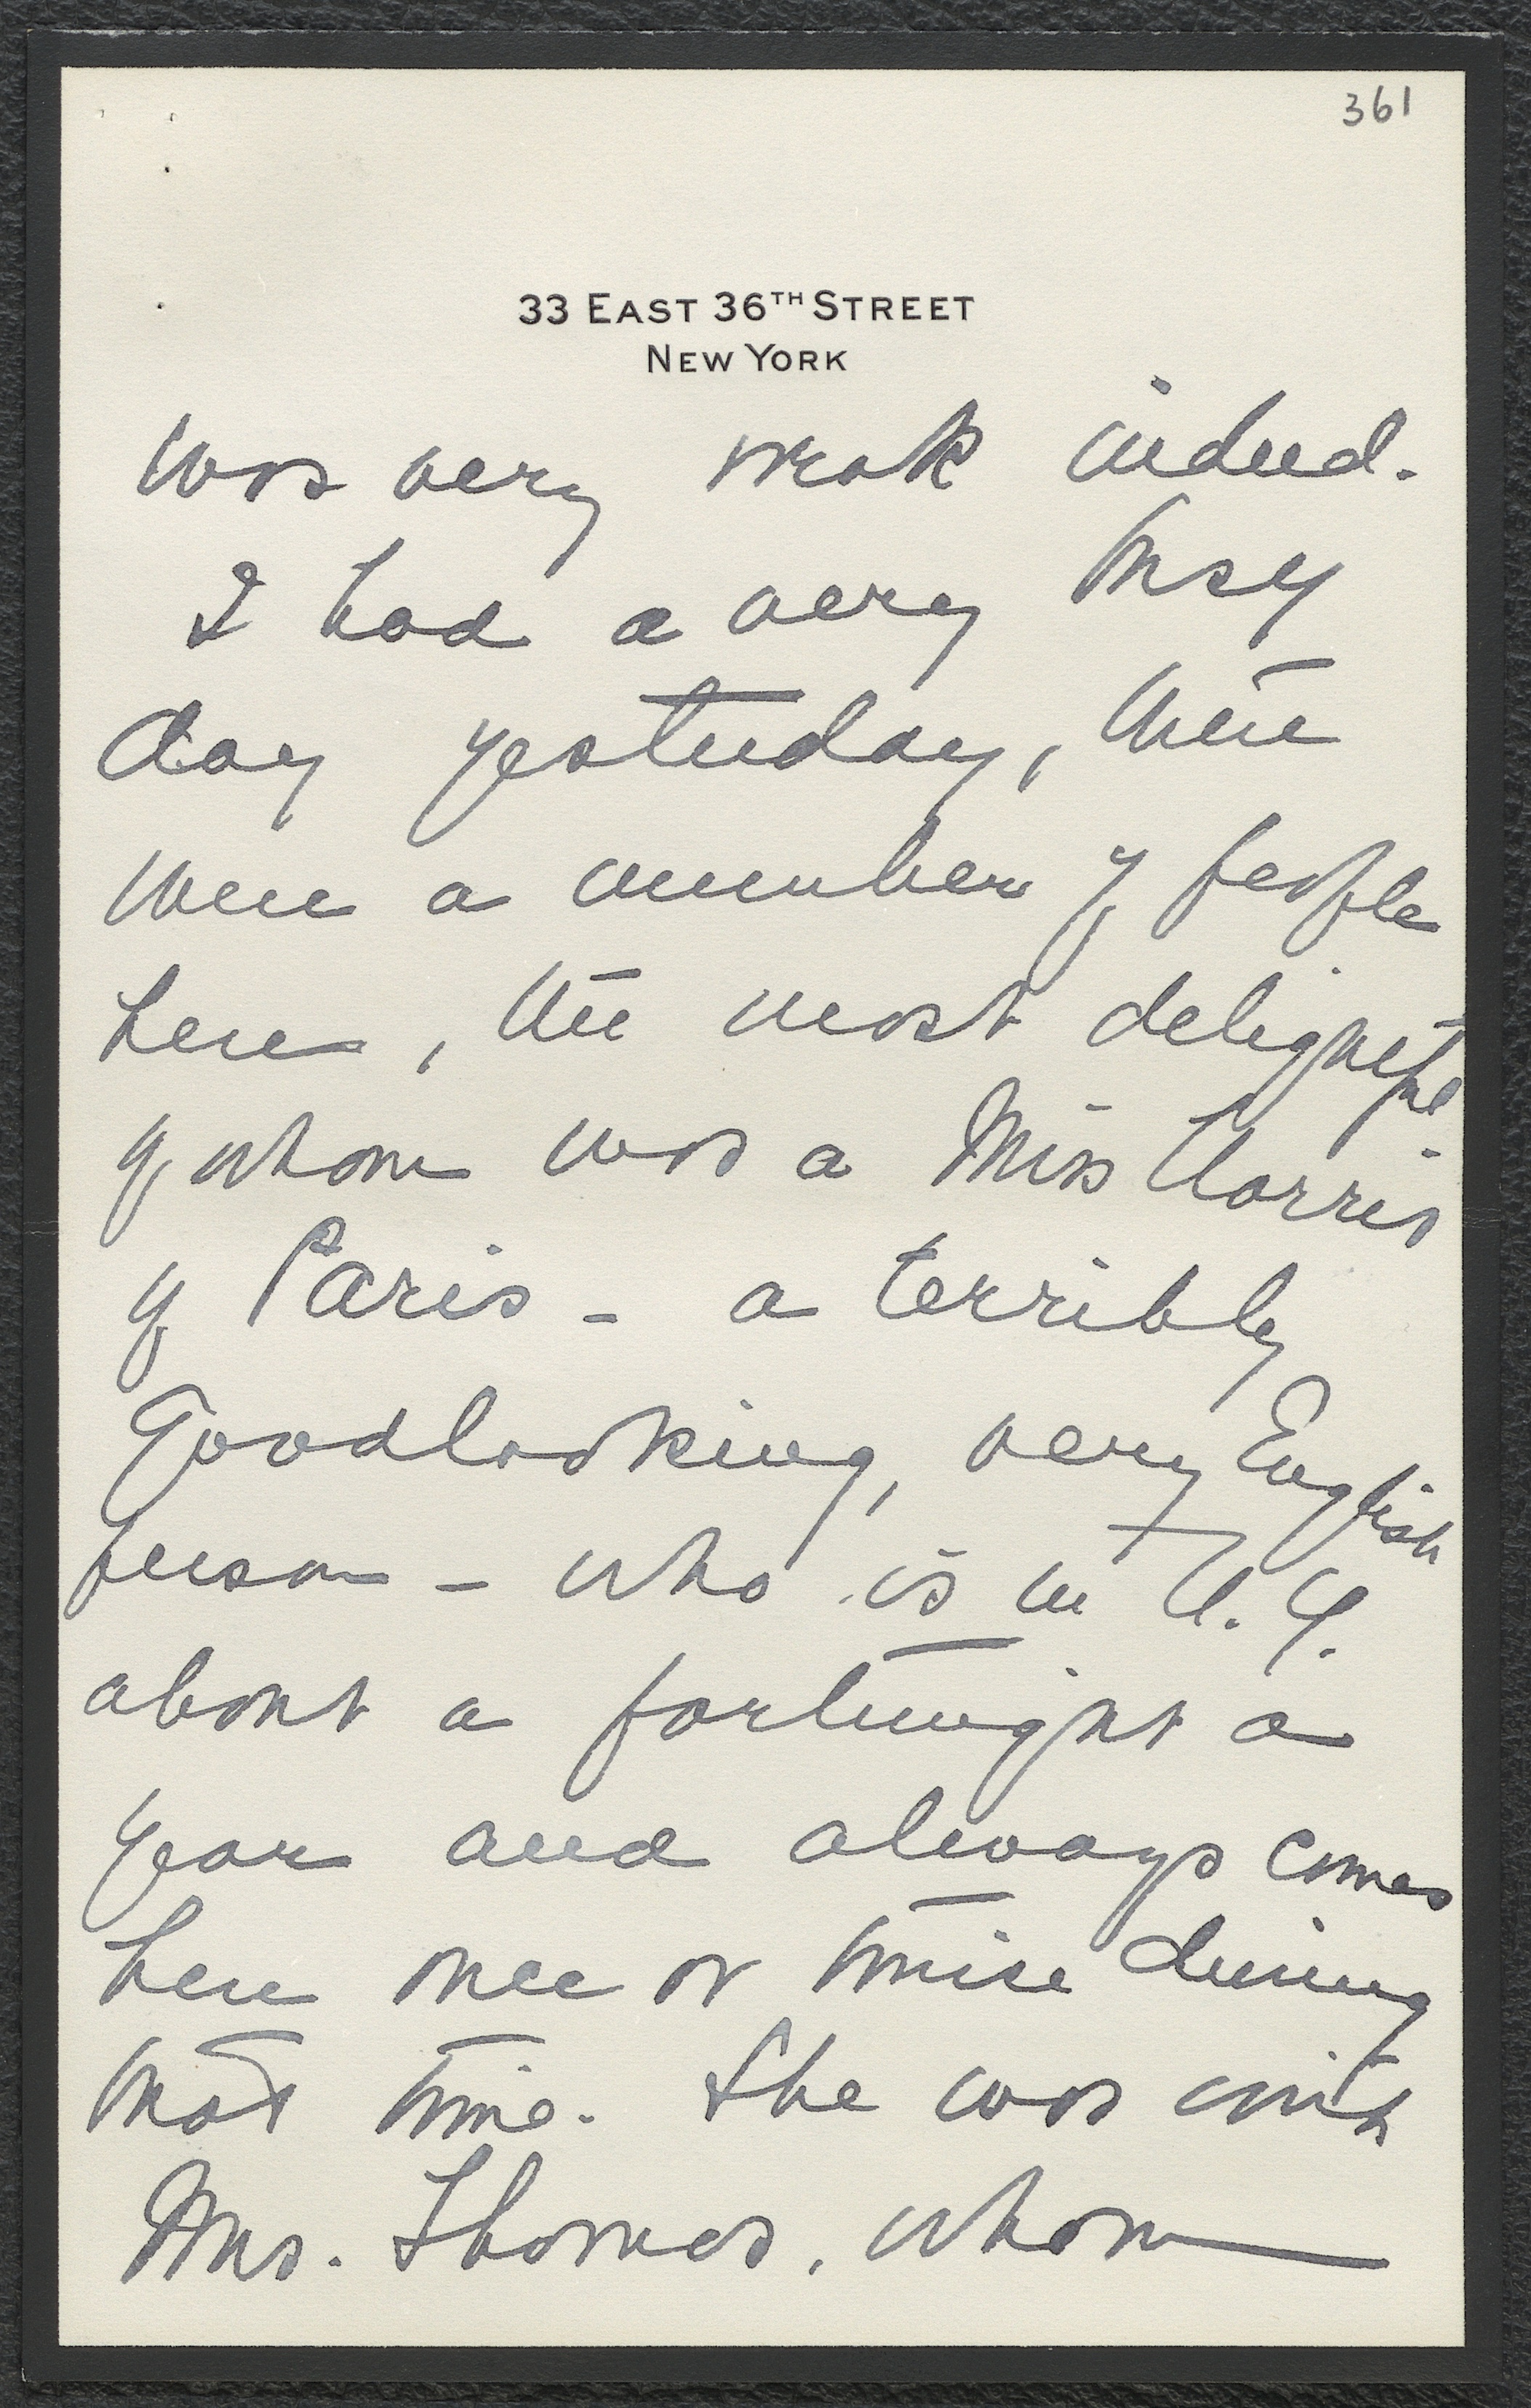was very weak indeed. I had a very busy day yesterday, there were a number of people here, the most delightful of whom was a Miss Norris of Paris – a terribly goodlooking, very English person – who is in N. Y. about a fortnight a year and always comes here once or twice during that time. She was with Mrs. Thomas, whom